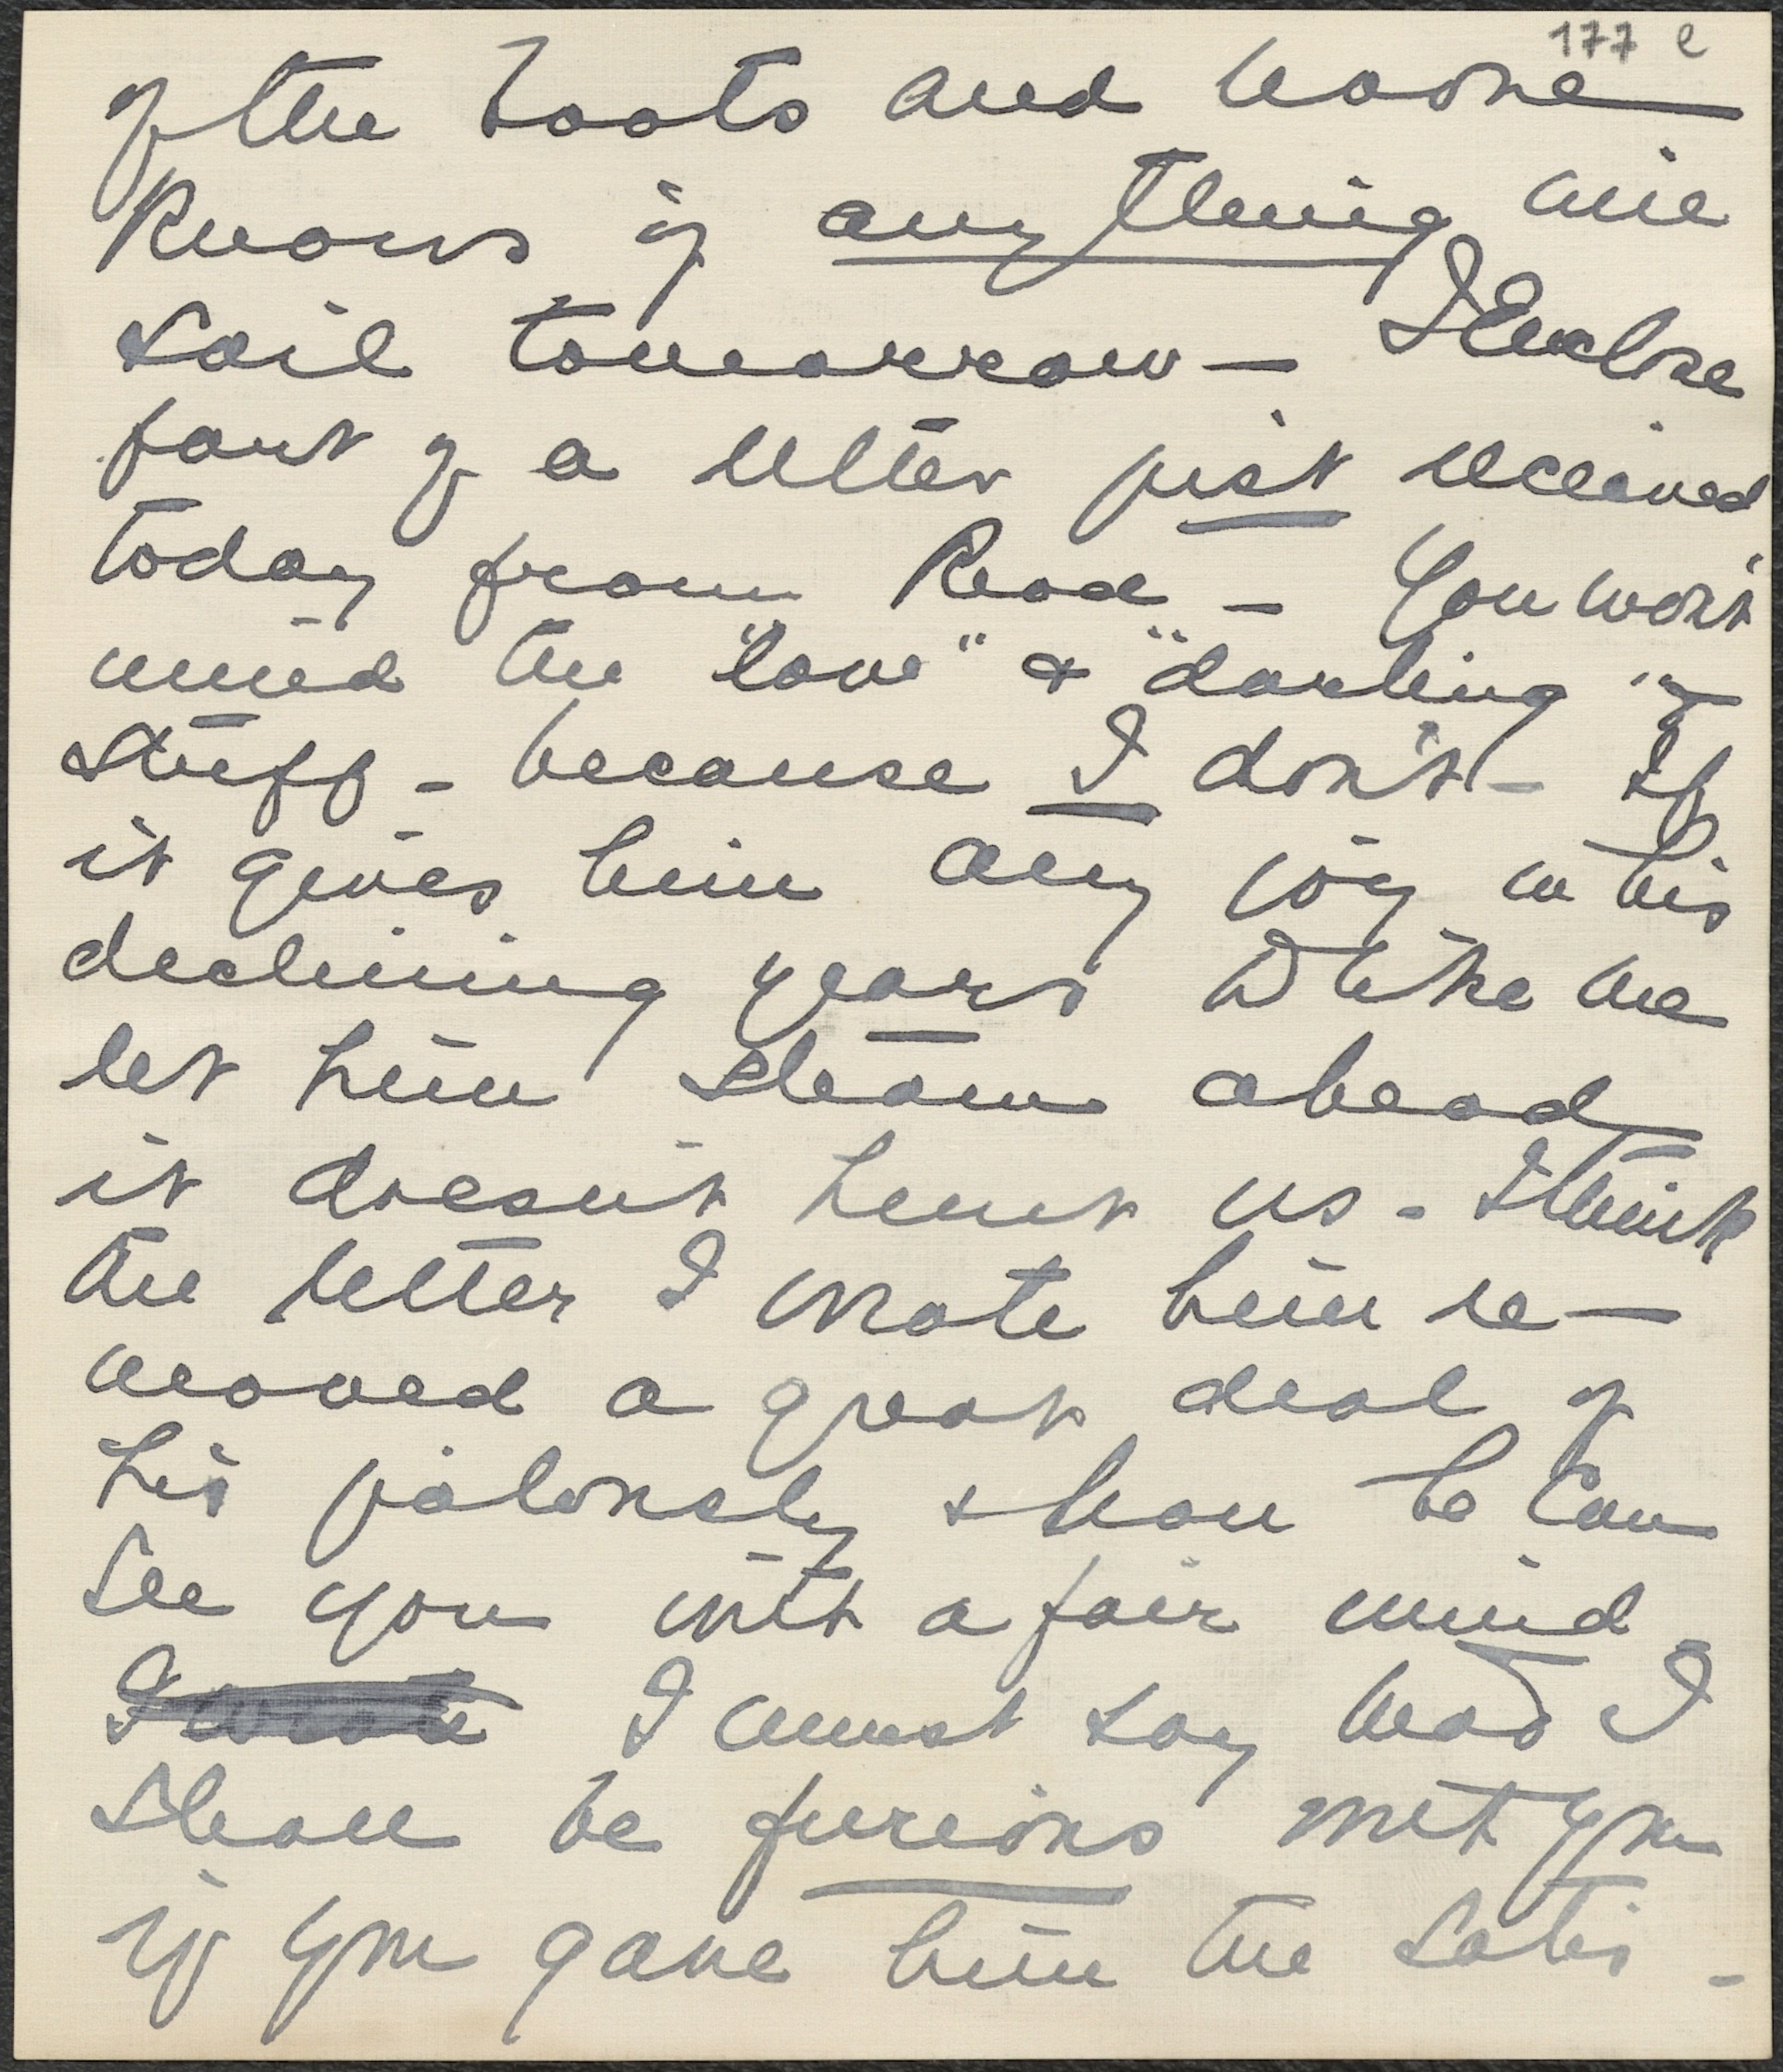of the boats and noone knows if anything will sail tomorrow – I enclose part of a letter just received today from Read – You won’t mind the “love” & “darling” & stuff – because I don’t – If it gives him any joy in his declining years to like me let him steam ahead it doesn’t hurt us – I think the letter I wrote him removed a great deal of his jealously [sic] & how he can see you with a fair mind – I wrote I must say that I shall be furious with you if you gave him the satisfaction